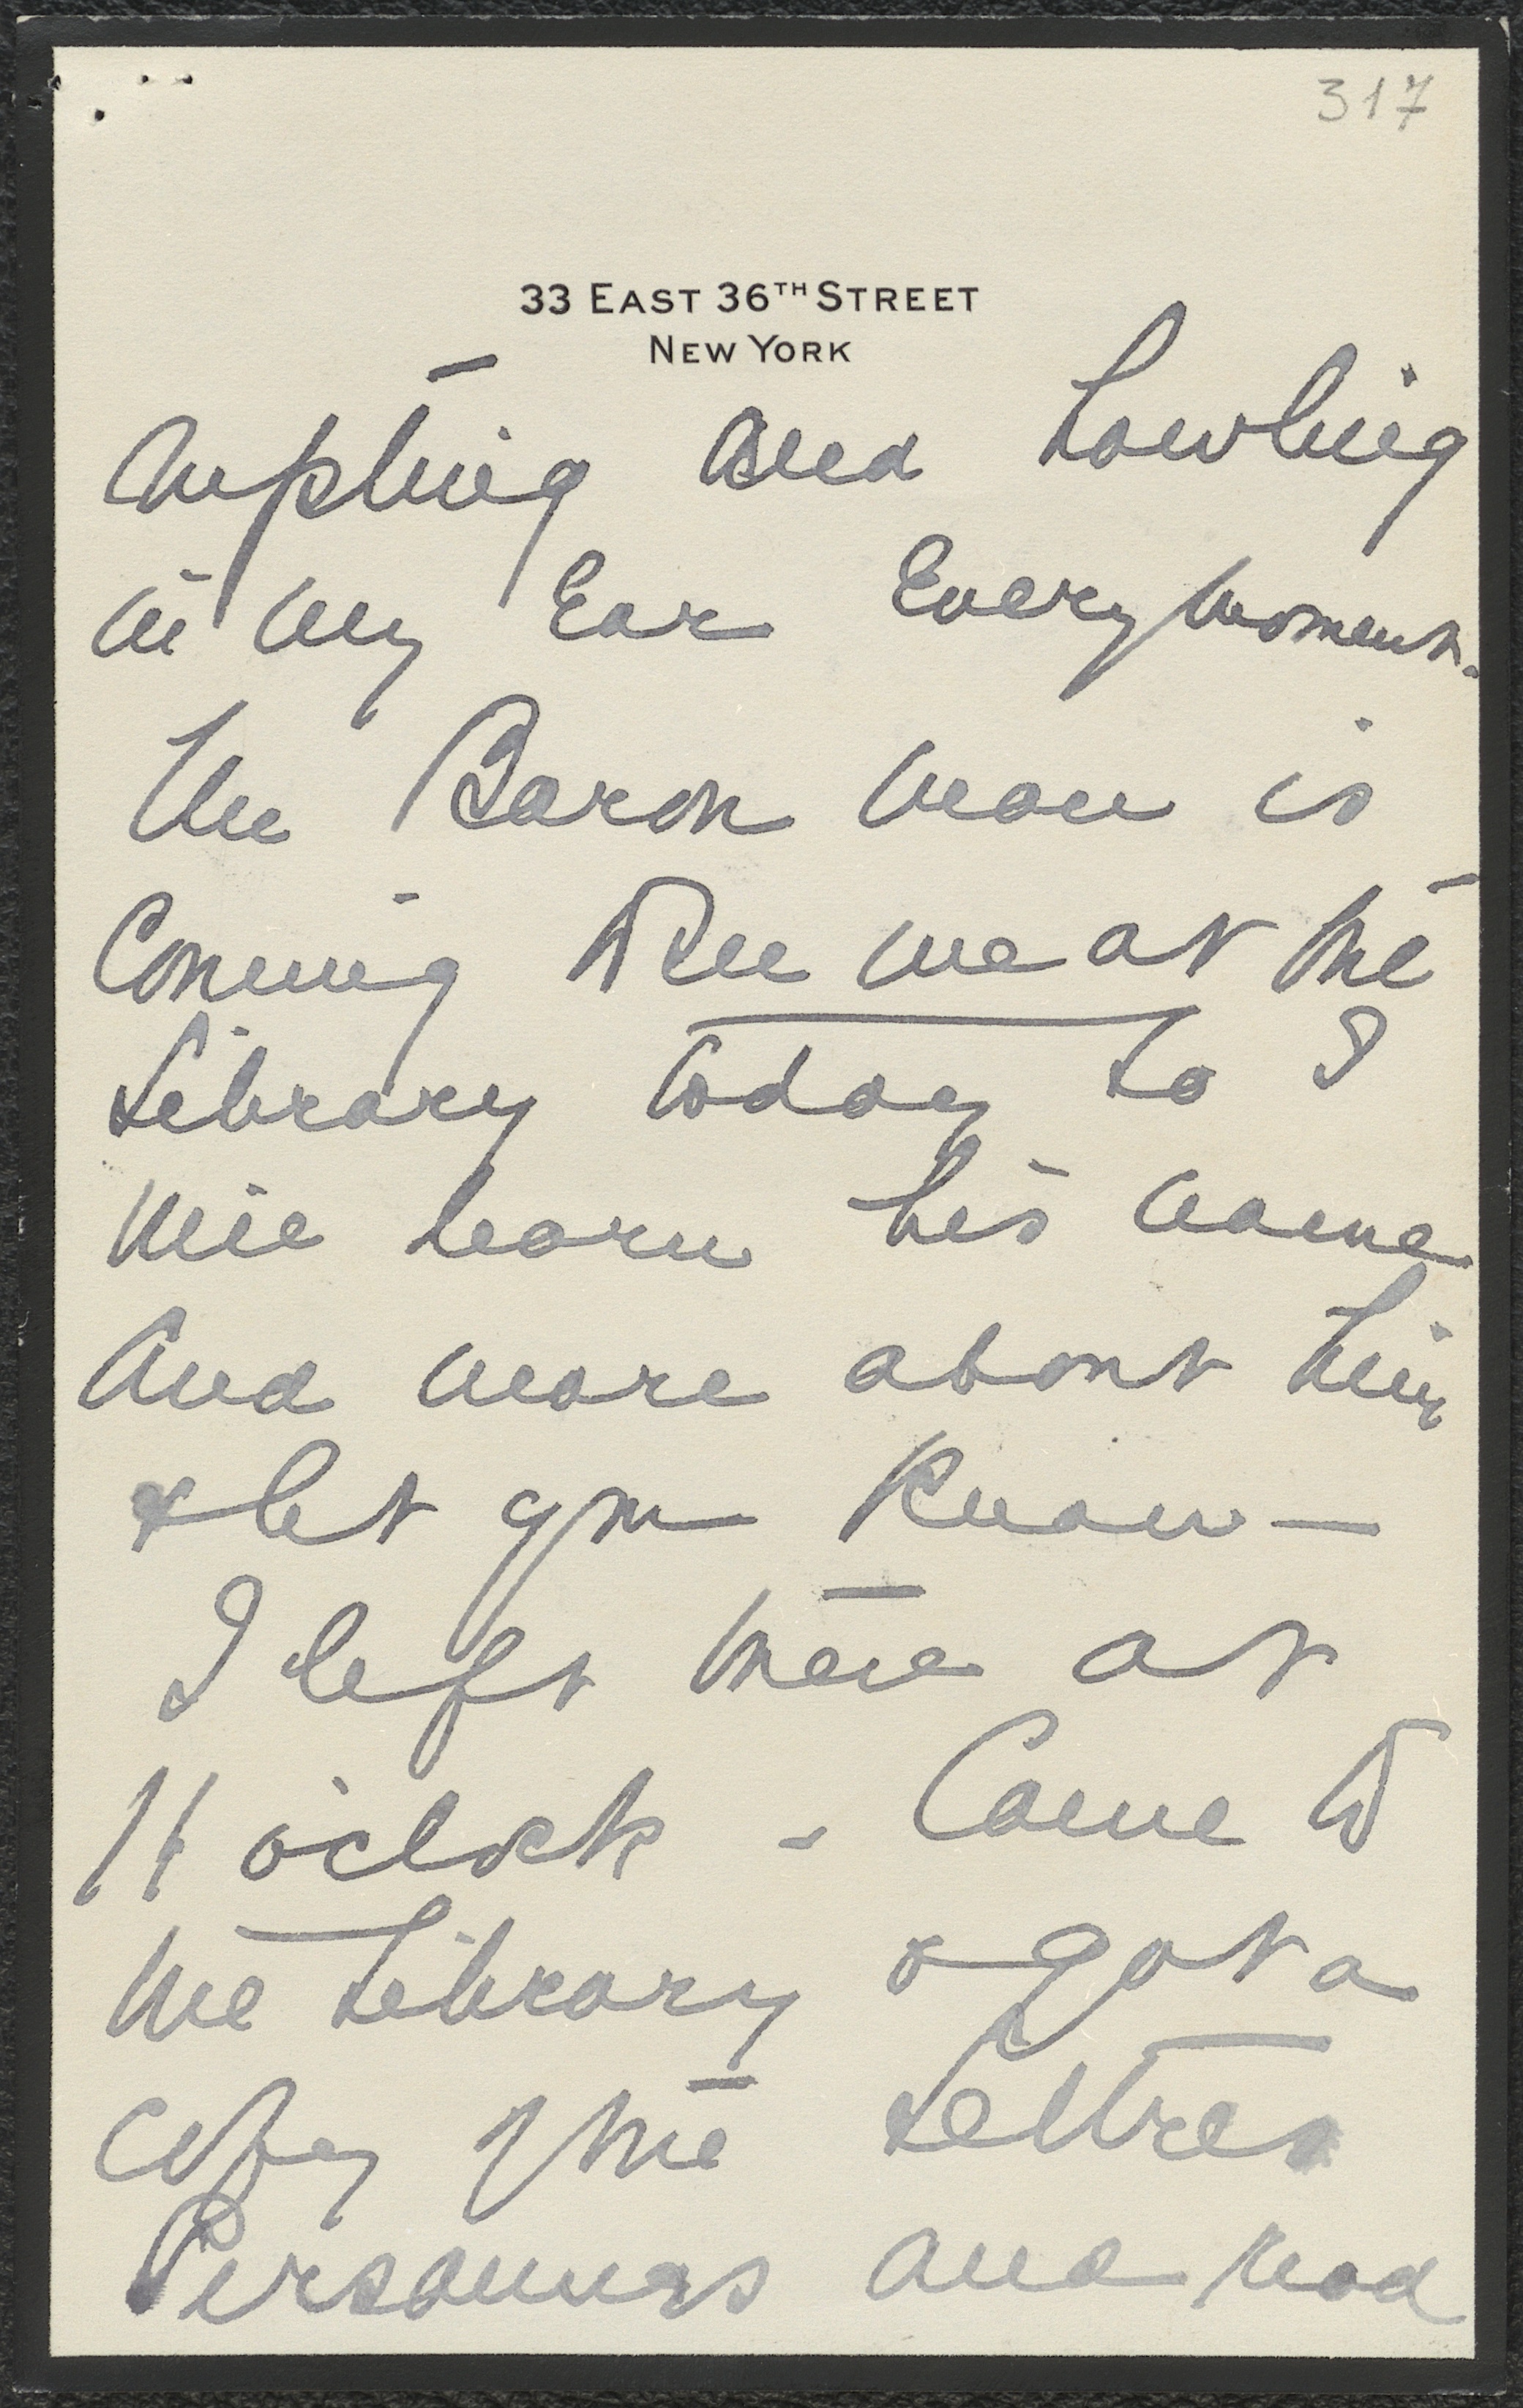and howling in my ear every moment. The Baron now is coming to see me at the Library today so I will learn his name and more about him & let you know –
I left there at 11 o’clock – Came to the Library & got a copy of the Lettres Persannes [sic] and read